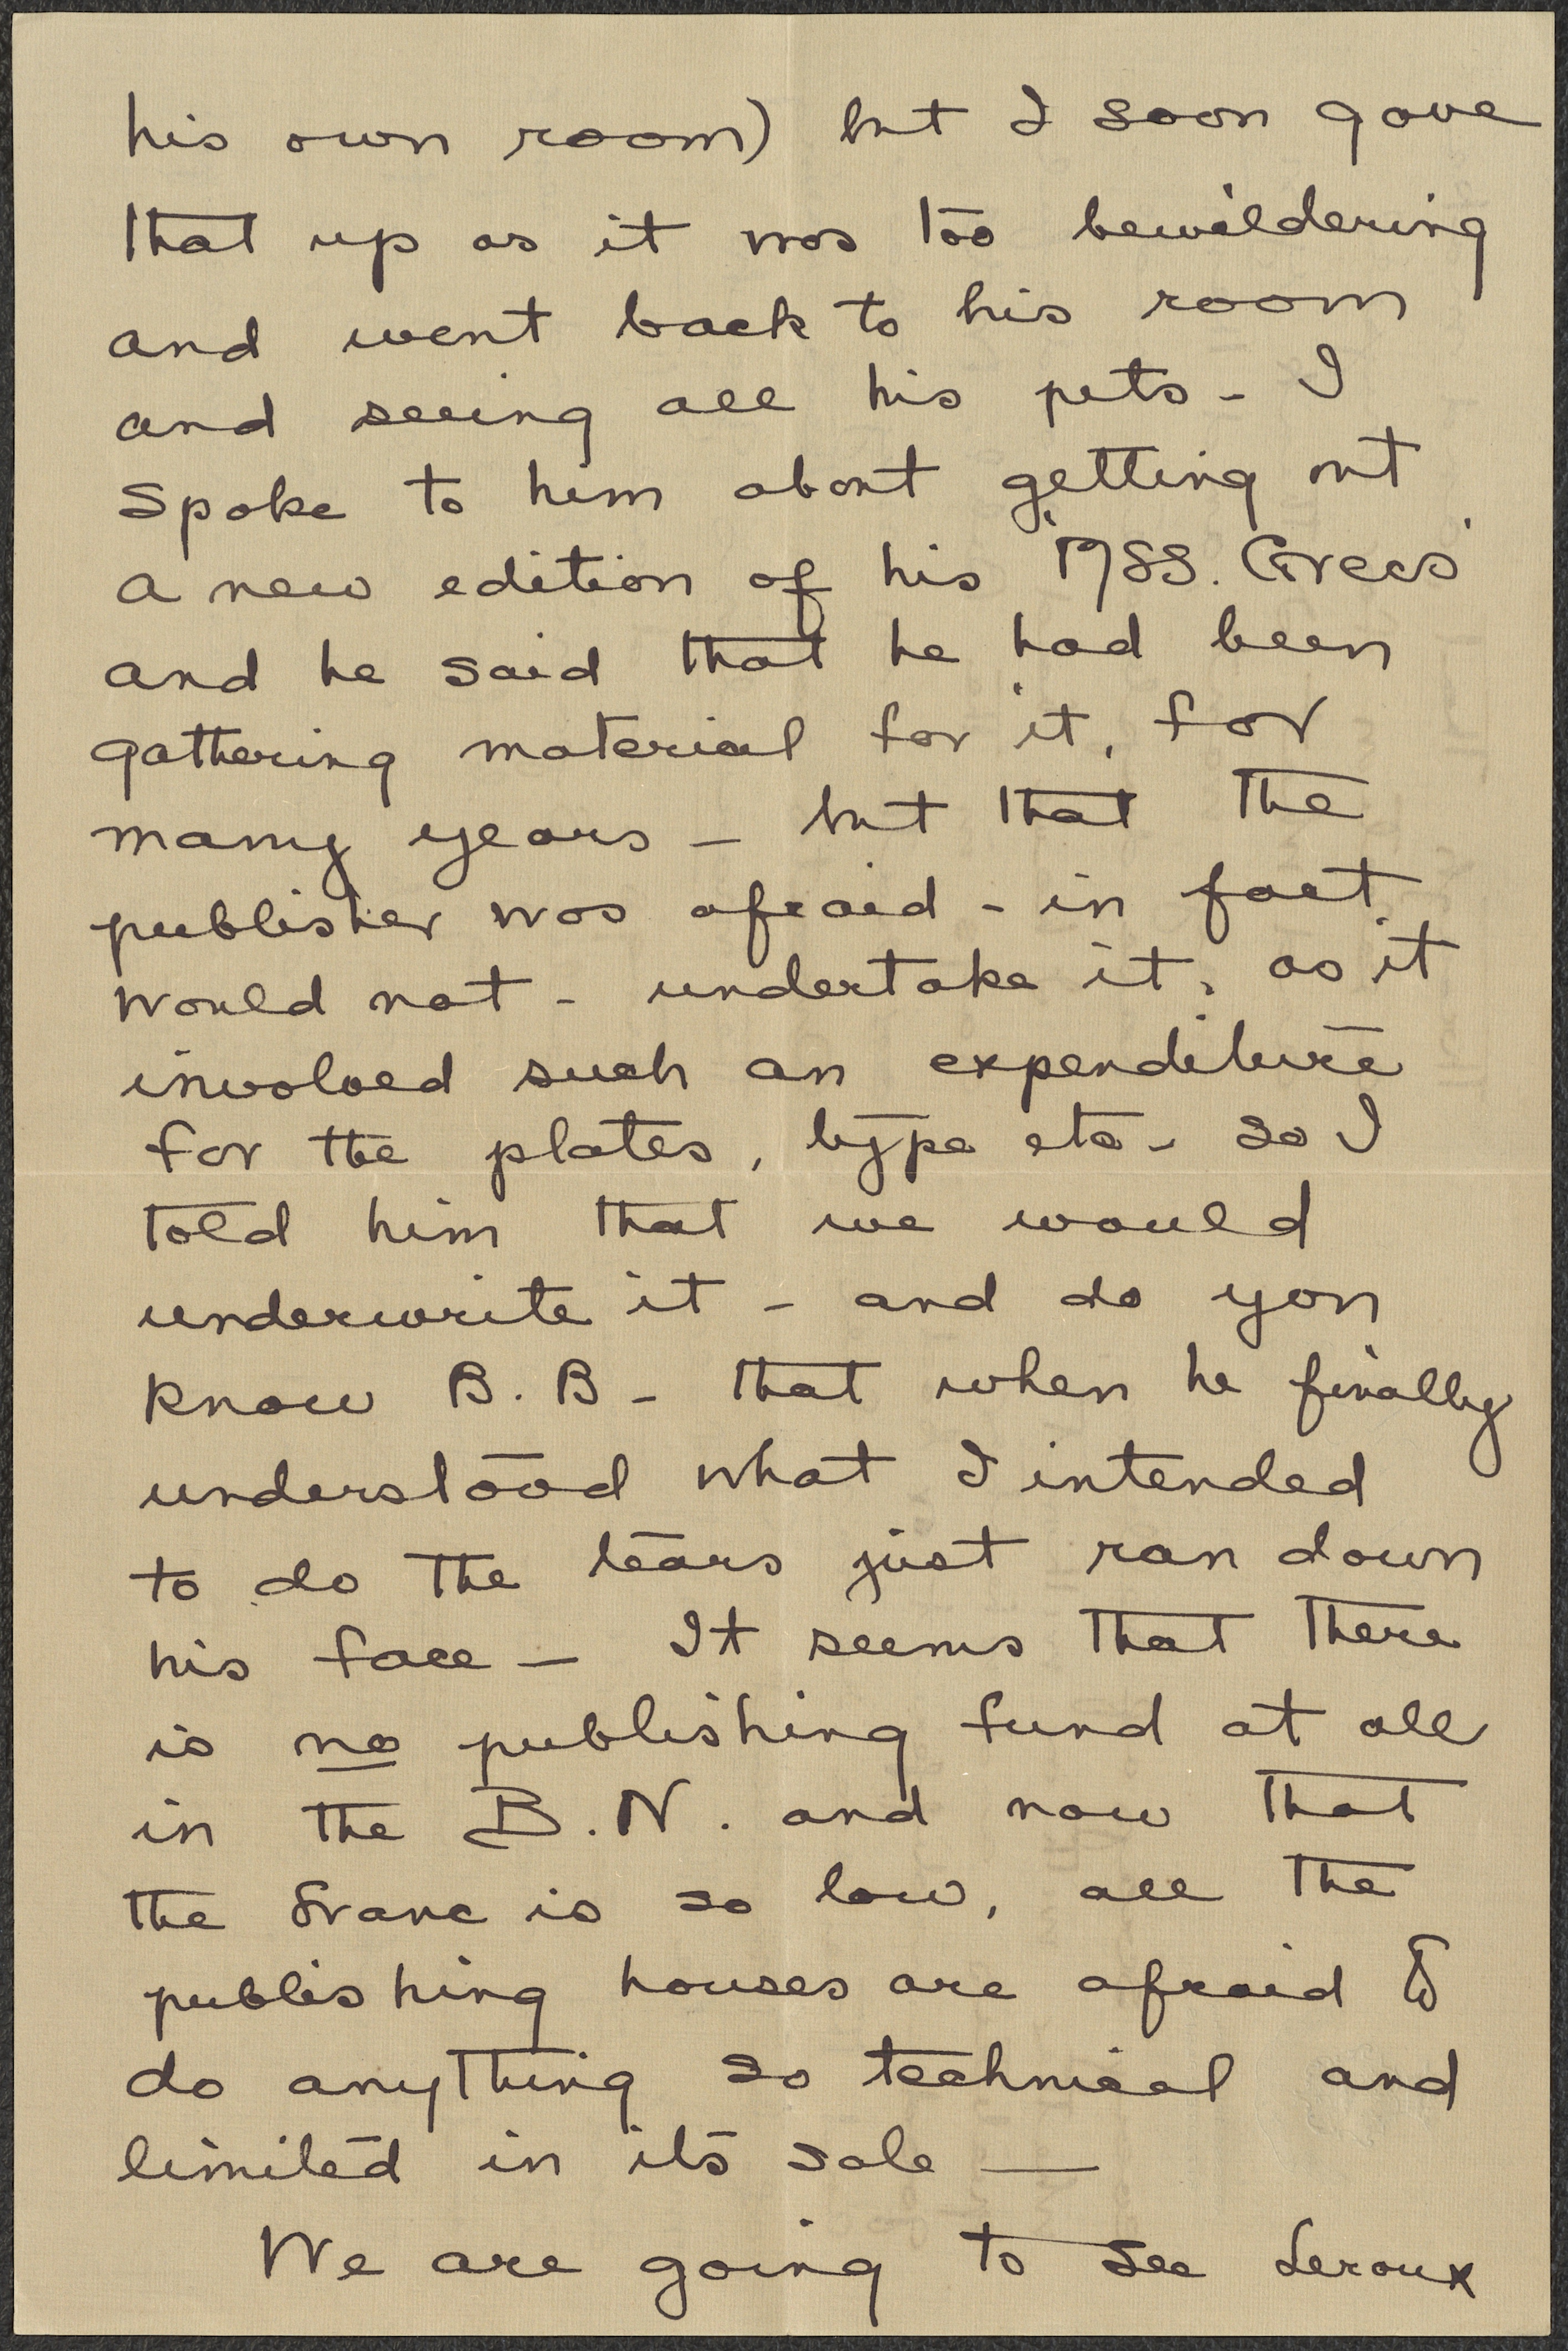his own room) but I soon gave that up as it was too bewildering and went back to his room and seeing all his pets – I spoke to him about getting out a new edition of his 'MSS Greco' and he said that he had been gathering material for it, for many years – but that the publisher was afraid – in fact would not – undertake it, as it involved such an expenditure for the plates, type, etc – so I told him that we would underwrite it – and do you know B.B – that when he finally understood what I intended to do the tears just ran down his face – it seems that there is no publishing fund at all in the B. N. and now that the franc is so low, all the publishing houses are afraid to do anything so technical and limited in its sale –
We are going to see Leroux